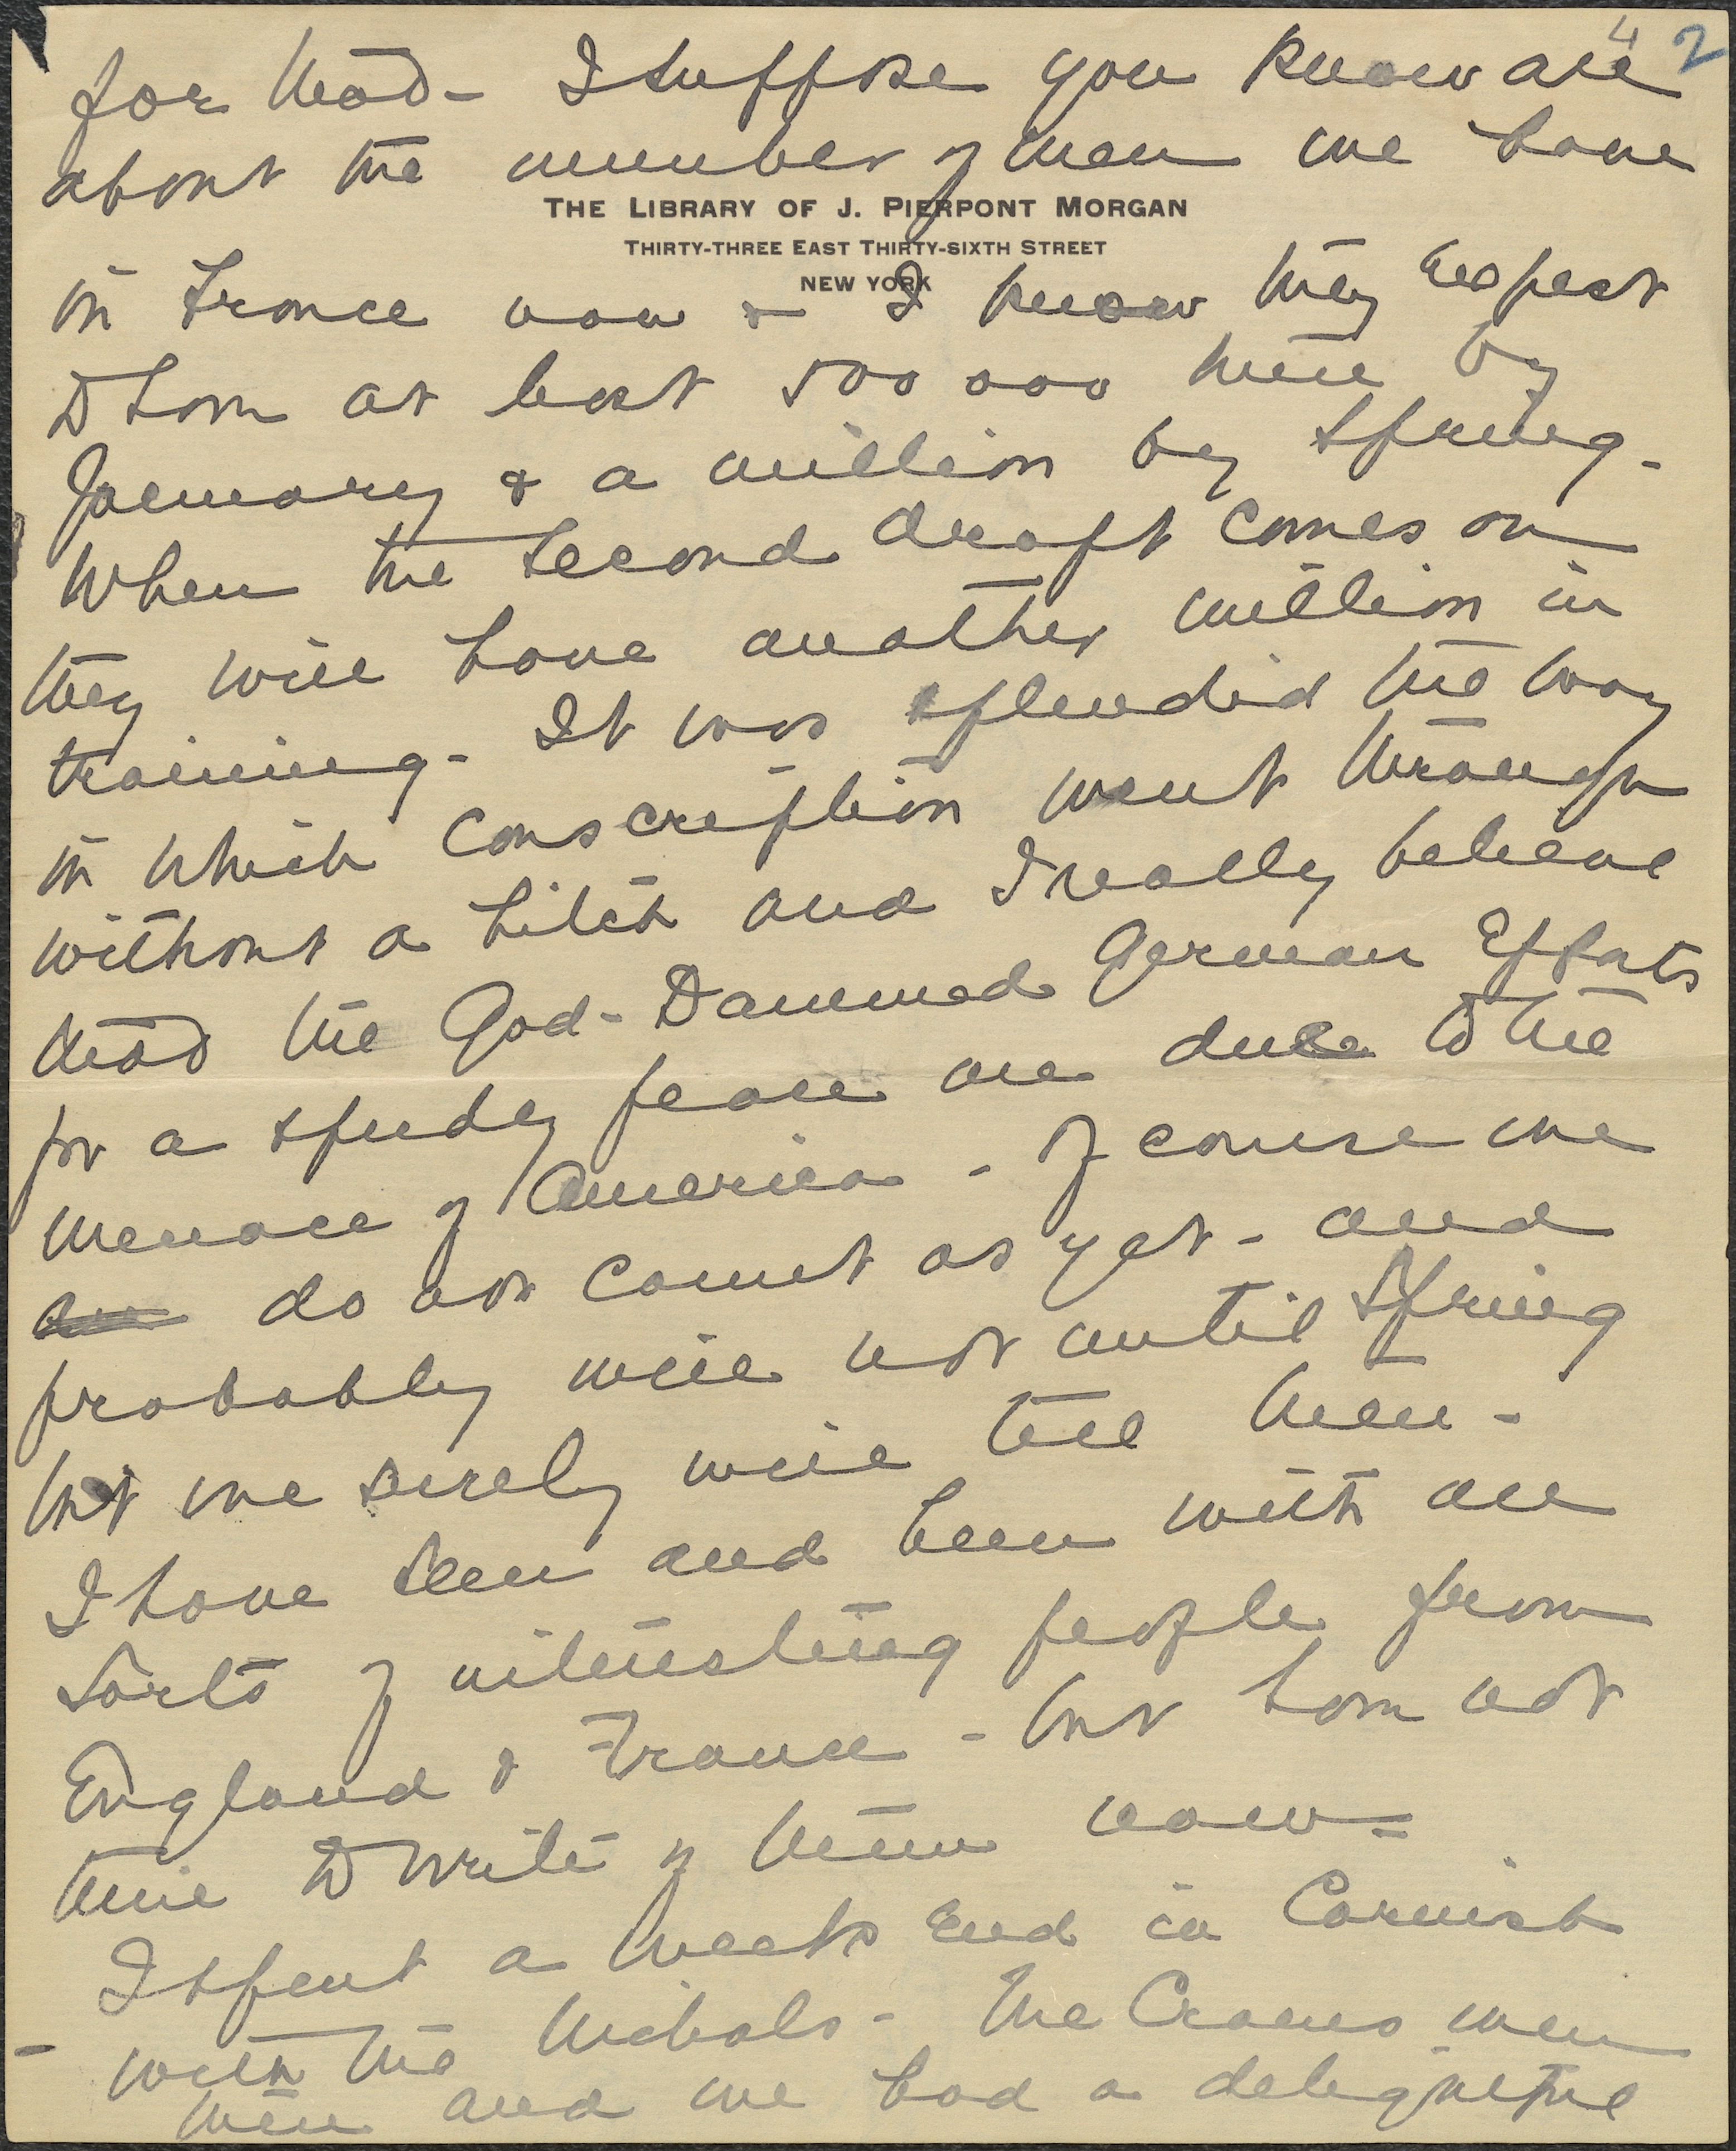for that – I suppose you know all about the number of men we have in France now & I know they expect to have at least 500,000 there by January & a million by spring – When the second draft comes on they will have another million in training – It was splendid the way in which conscription went through without a hitch and I really believe that the God-Dammed [sic] German efforts for a speedy plan are due to the menace of America – of course we an do not count as yet – and probably will not until spring but we surely will tell then – I have seen and been with all sorts of interesting people from England & France – but have not time to write of them now – I spent a week end in Cornish with the Nichols – The Crams were there and we had a delightful